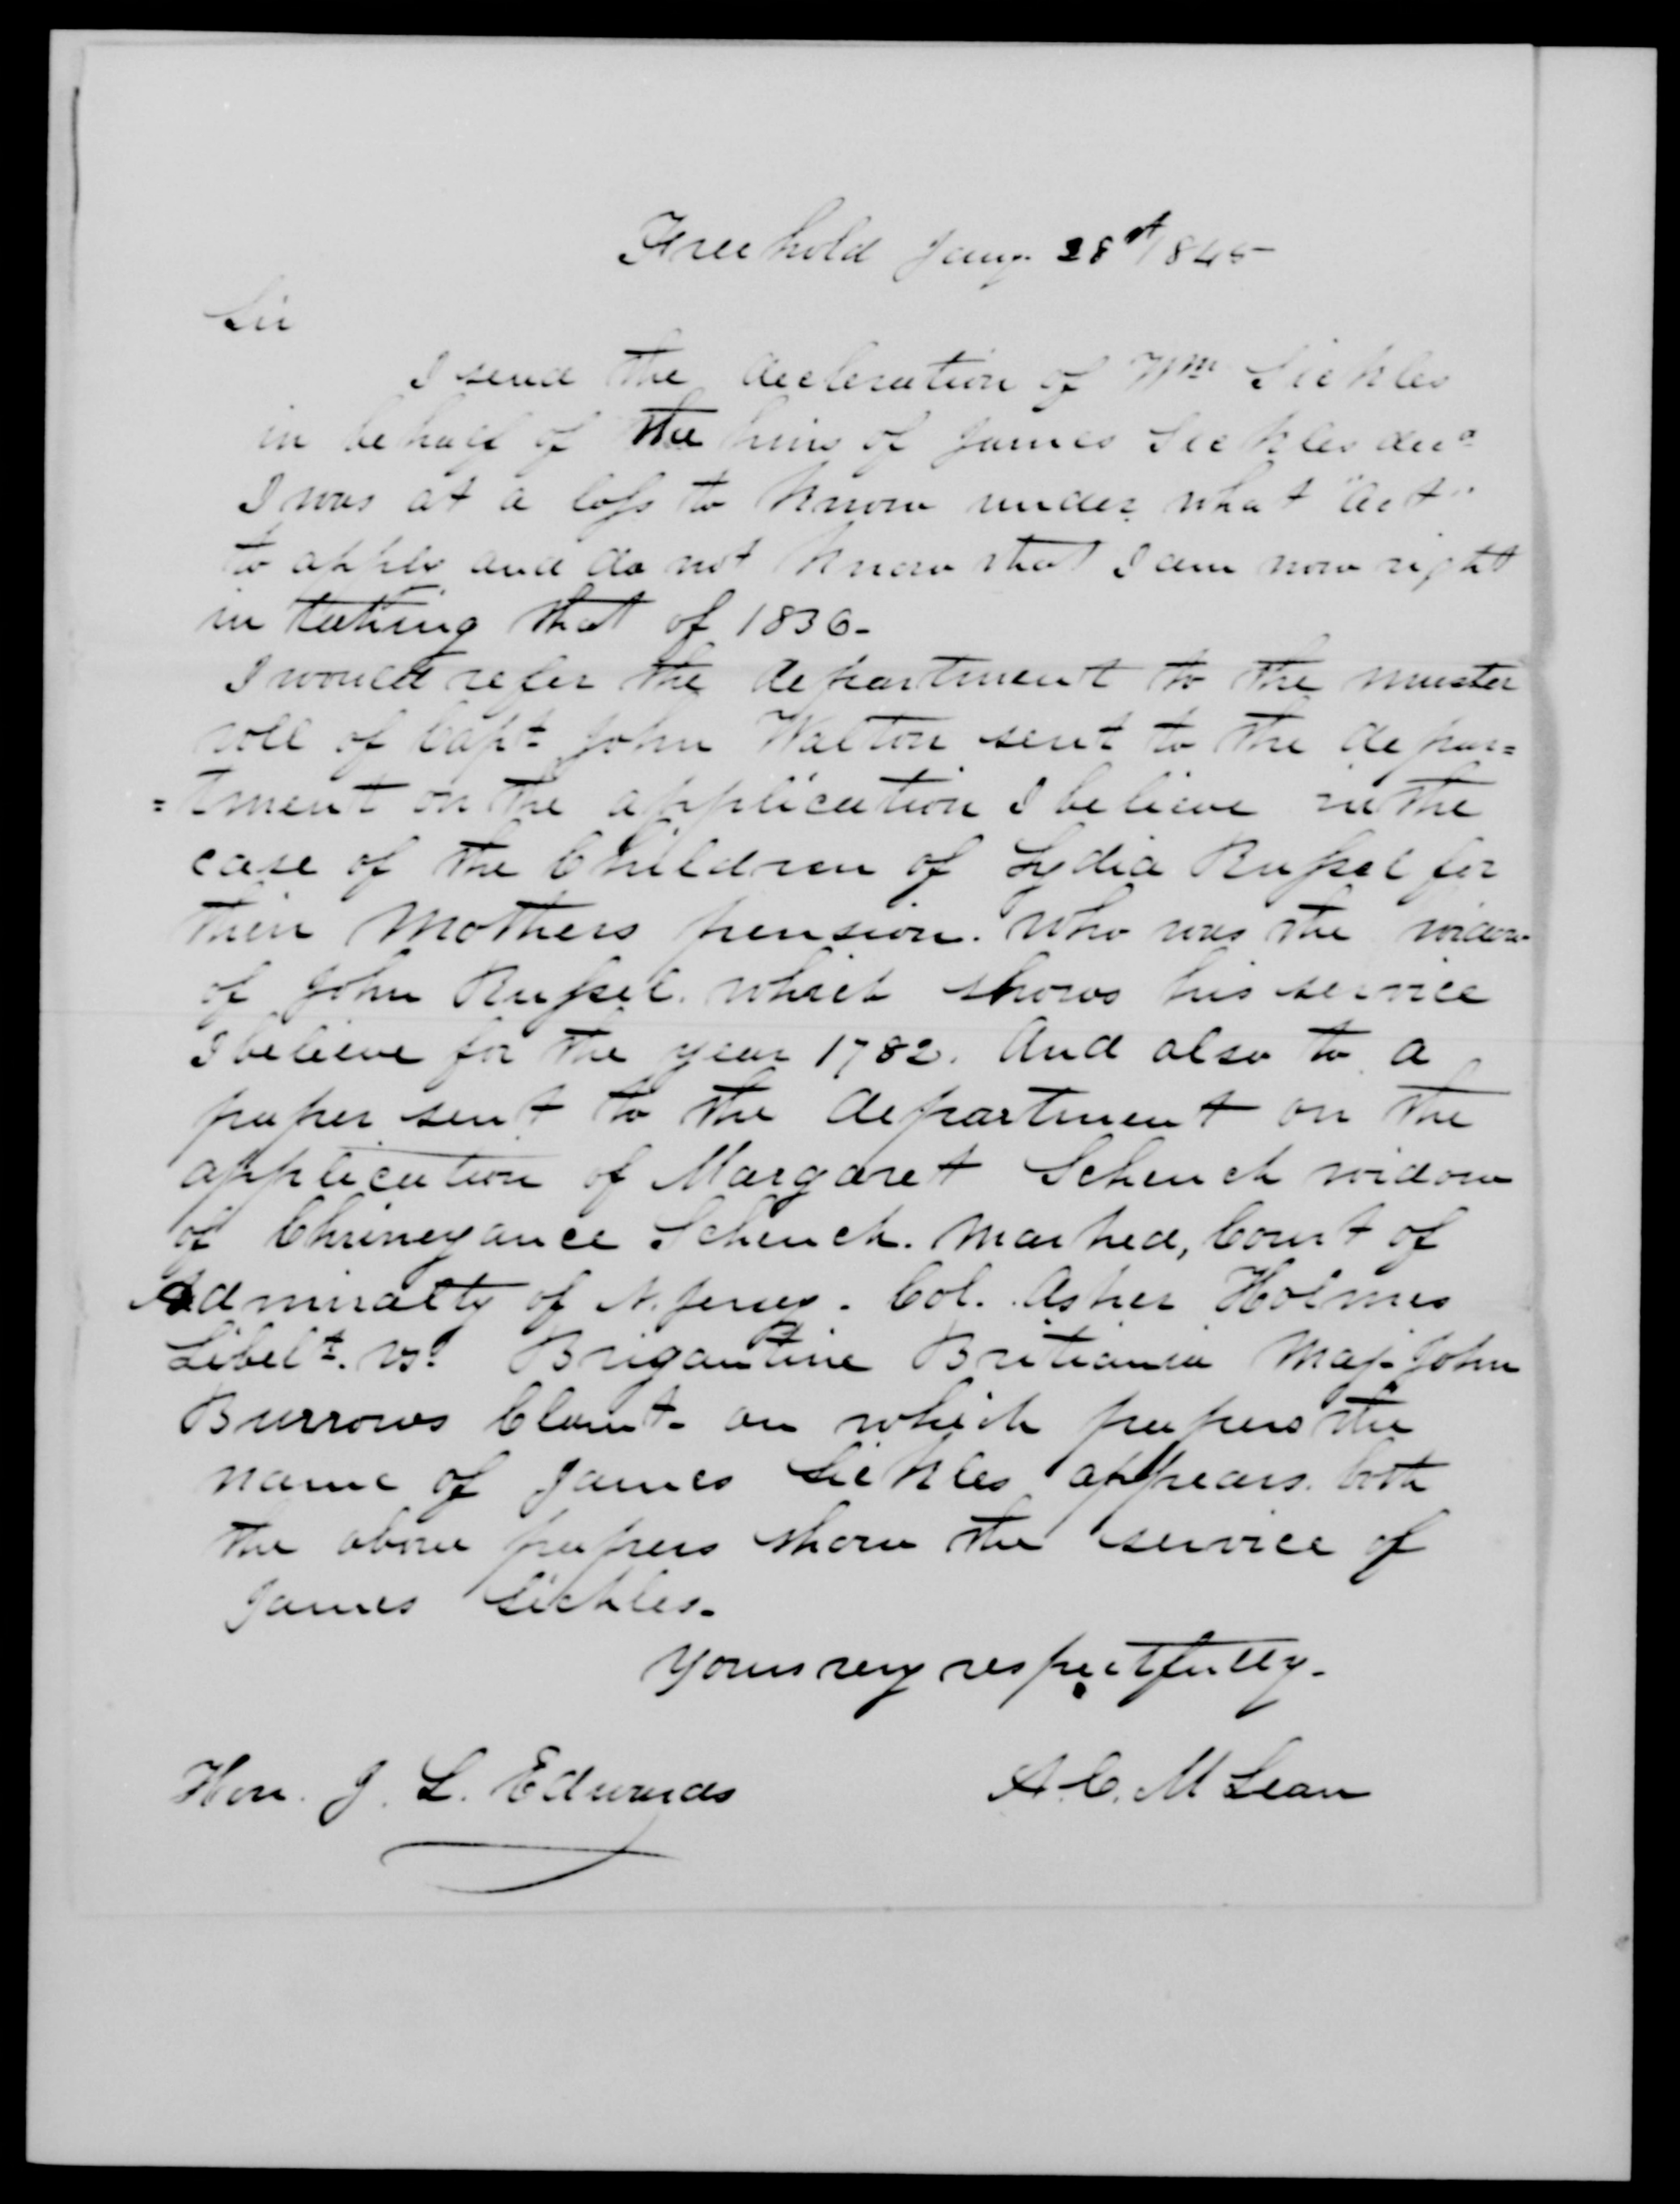Freehold Jany 28th 1845
Sir
I send the decleration of Wm Sickles in behalf of the heirs of James Sickles decd I was at a loss to know under what "Act" to apply and do not know that I am now right in taking that of 1836.
I would refer the department to the muster roll of Capt John Walton sent to the department on the application I believe in the case of the Children of Lydia Russel for their Mothers pension, who was the widow of John Russell which shows his service I believe for the year 1782. And also to a paper sent to the department on the application of Margaret Schenck widow of Chrinsyance Schenck, marked Court of Admiralty of N. Jersey. Col. Asher Holmes Libelt vs Brigantine Britianca Maj. John Burrows Claimt on which papers the name of James Sickles appears both the above papers show the service of James Sickles.
Yours very respectfully -
Hon. J L. Edwards A. C. McLean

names: James Sickles; James Sickles; J L Edwards; Asher Holmes; James Sichles; John Walton; Lydia Russel; Margaret Schench; Wm Sickles; Chrineyance Schench; John Russel; A C Mc Lean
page: 15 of 33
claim: survivor's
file: S. 4,841, for James Sickles, New Jersey